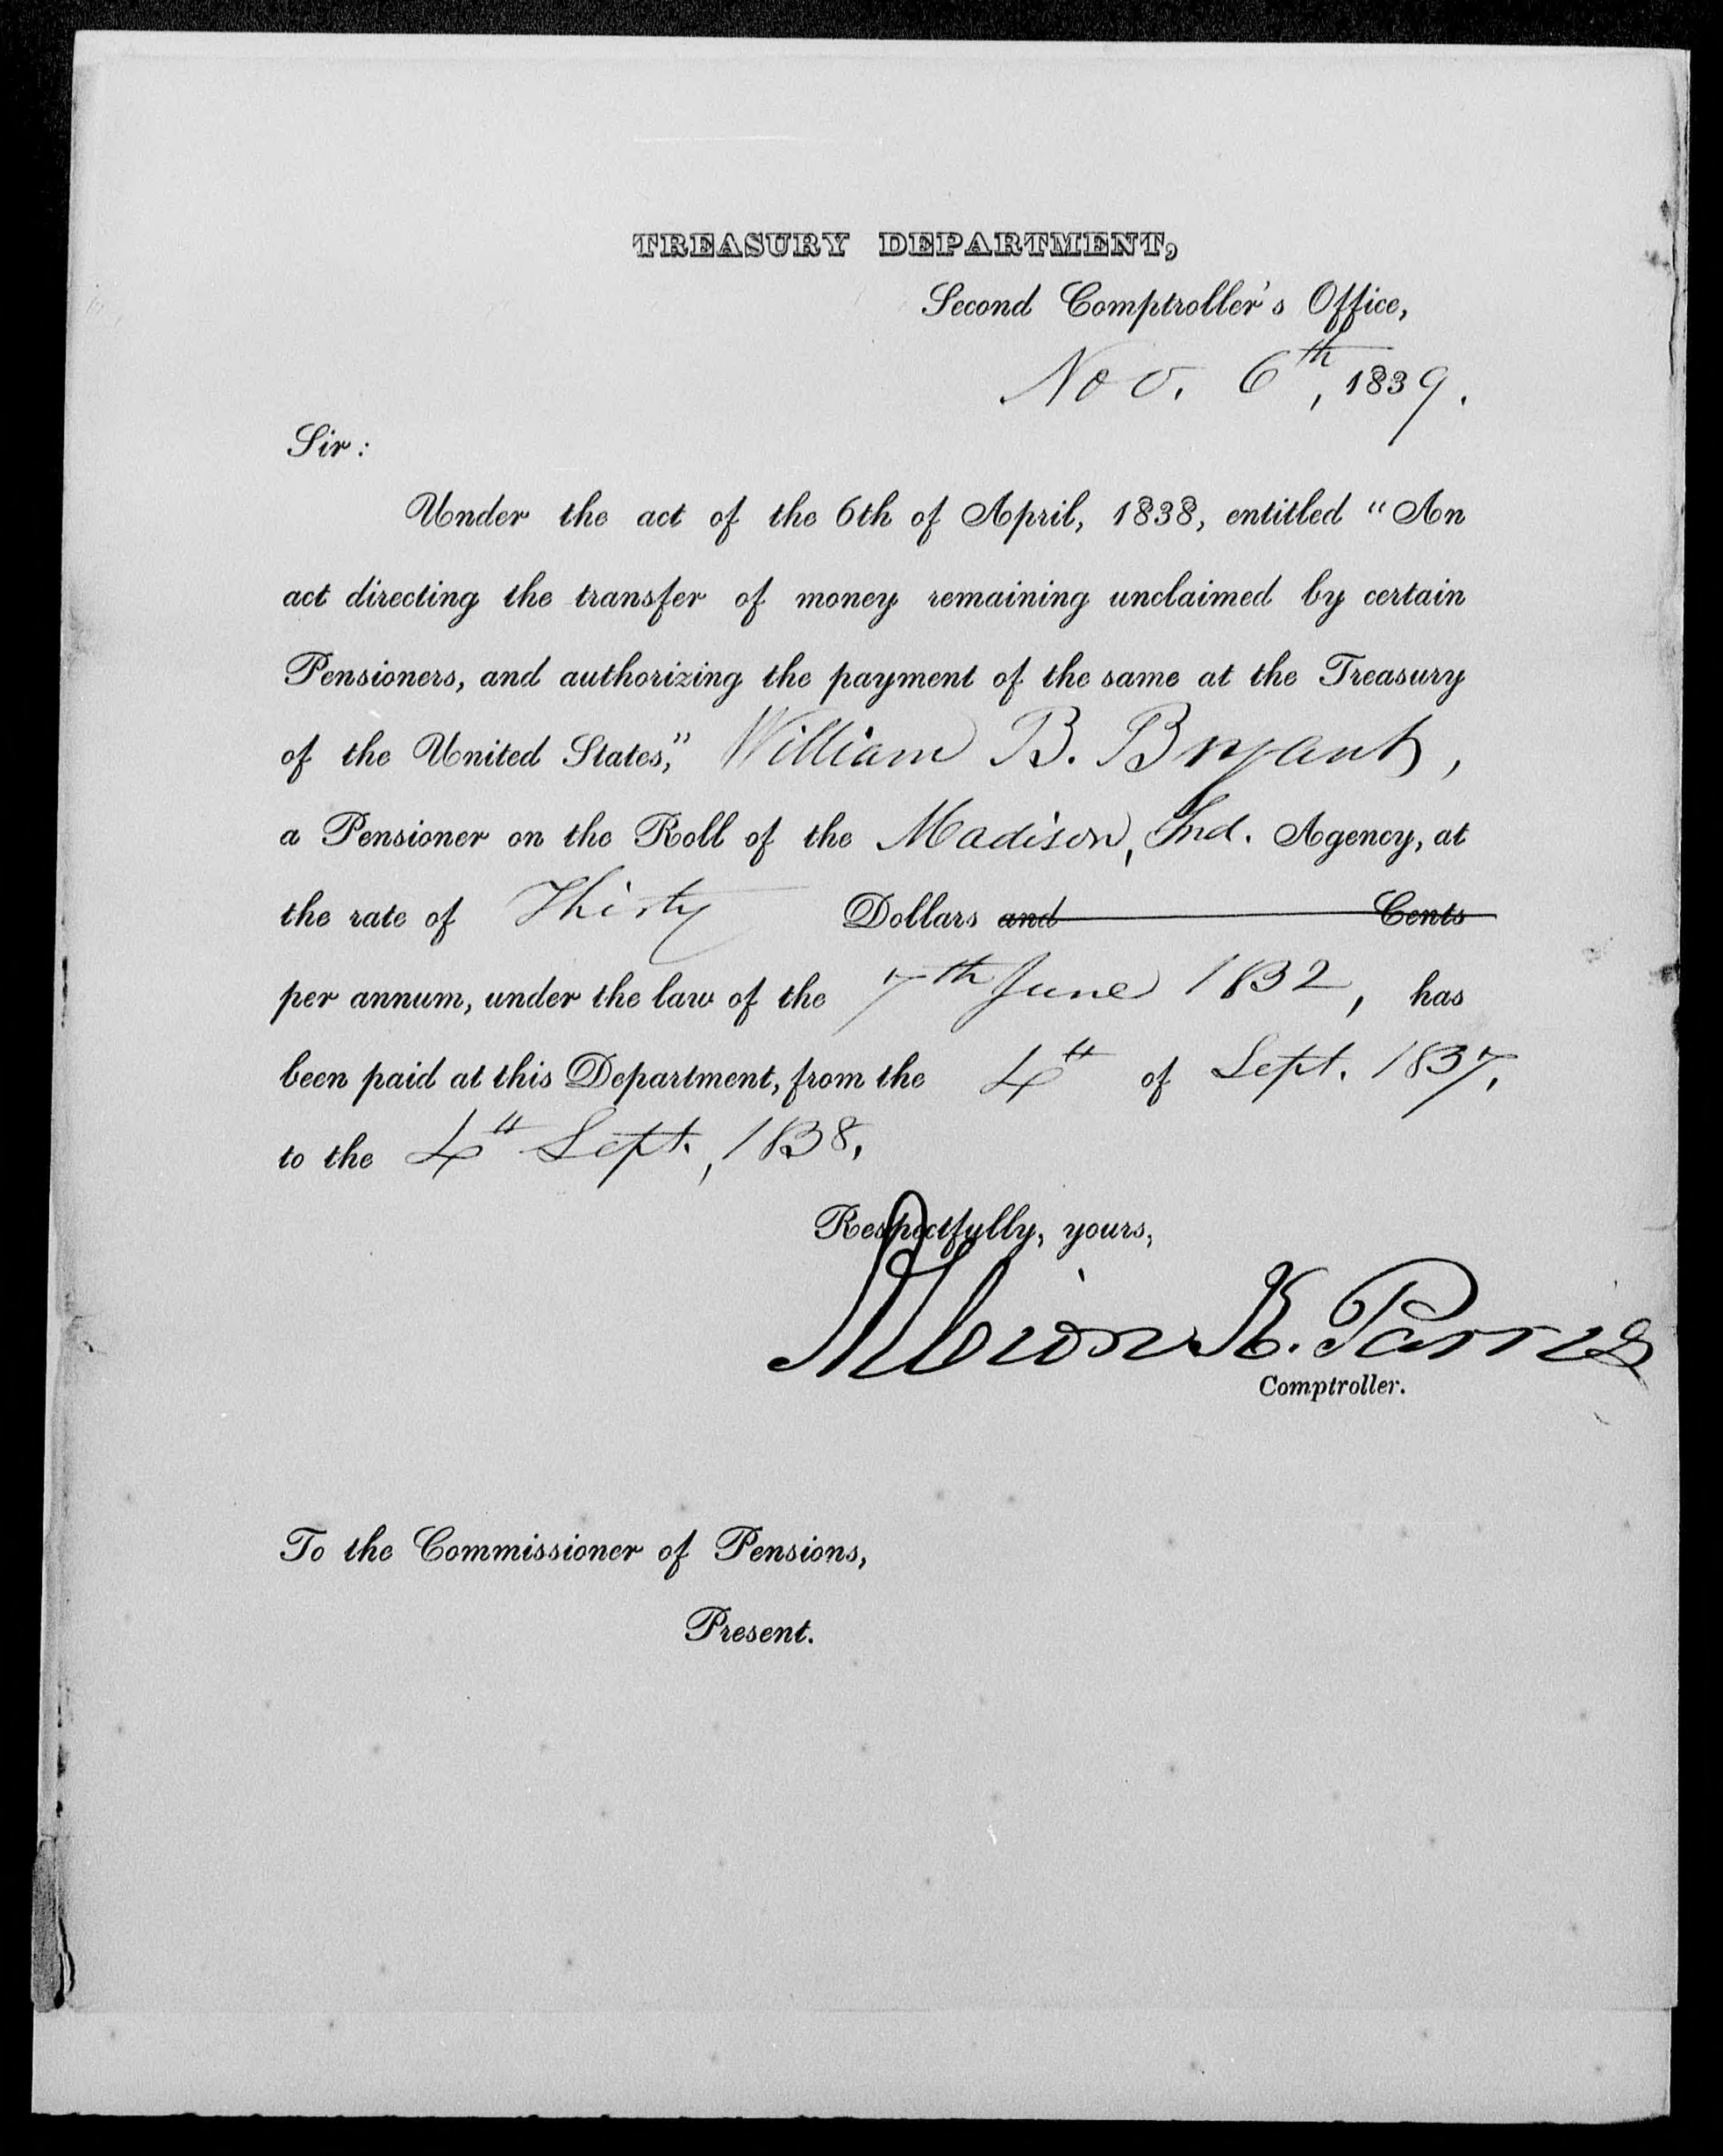TREASURY DEPARTMENT
Second Comptroller's Office
Nov. 6th 1839

Sir:
Under the act of the 6th of April, 1838, entitled "An act directing the transfer of money remaining unclaimed by certain Pensioners, and authorizing the payment of the same at the Treasury of the United States," William B. Bryant, a Pensioner on the Roll of the Madison, Ind. Agency, at the rate of Thirty Dollars and - Cents per annum, under the law of the 7th June 1832, has been paid at this Department, from the 4th of Sept. 1837 to the 4th Sept. 1838.
Respectfully yours,
Albion K. Parris
Comptroller

To the Commissioner of Pensions,
Present.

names: William B Bryant, Albion K Parris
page: 24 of 31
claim: survivor's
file: S. 3049, William G Bryant, Va.